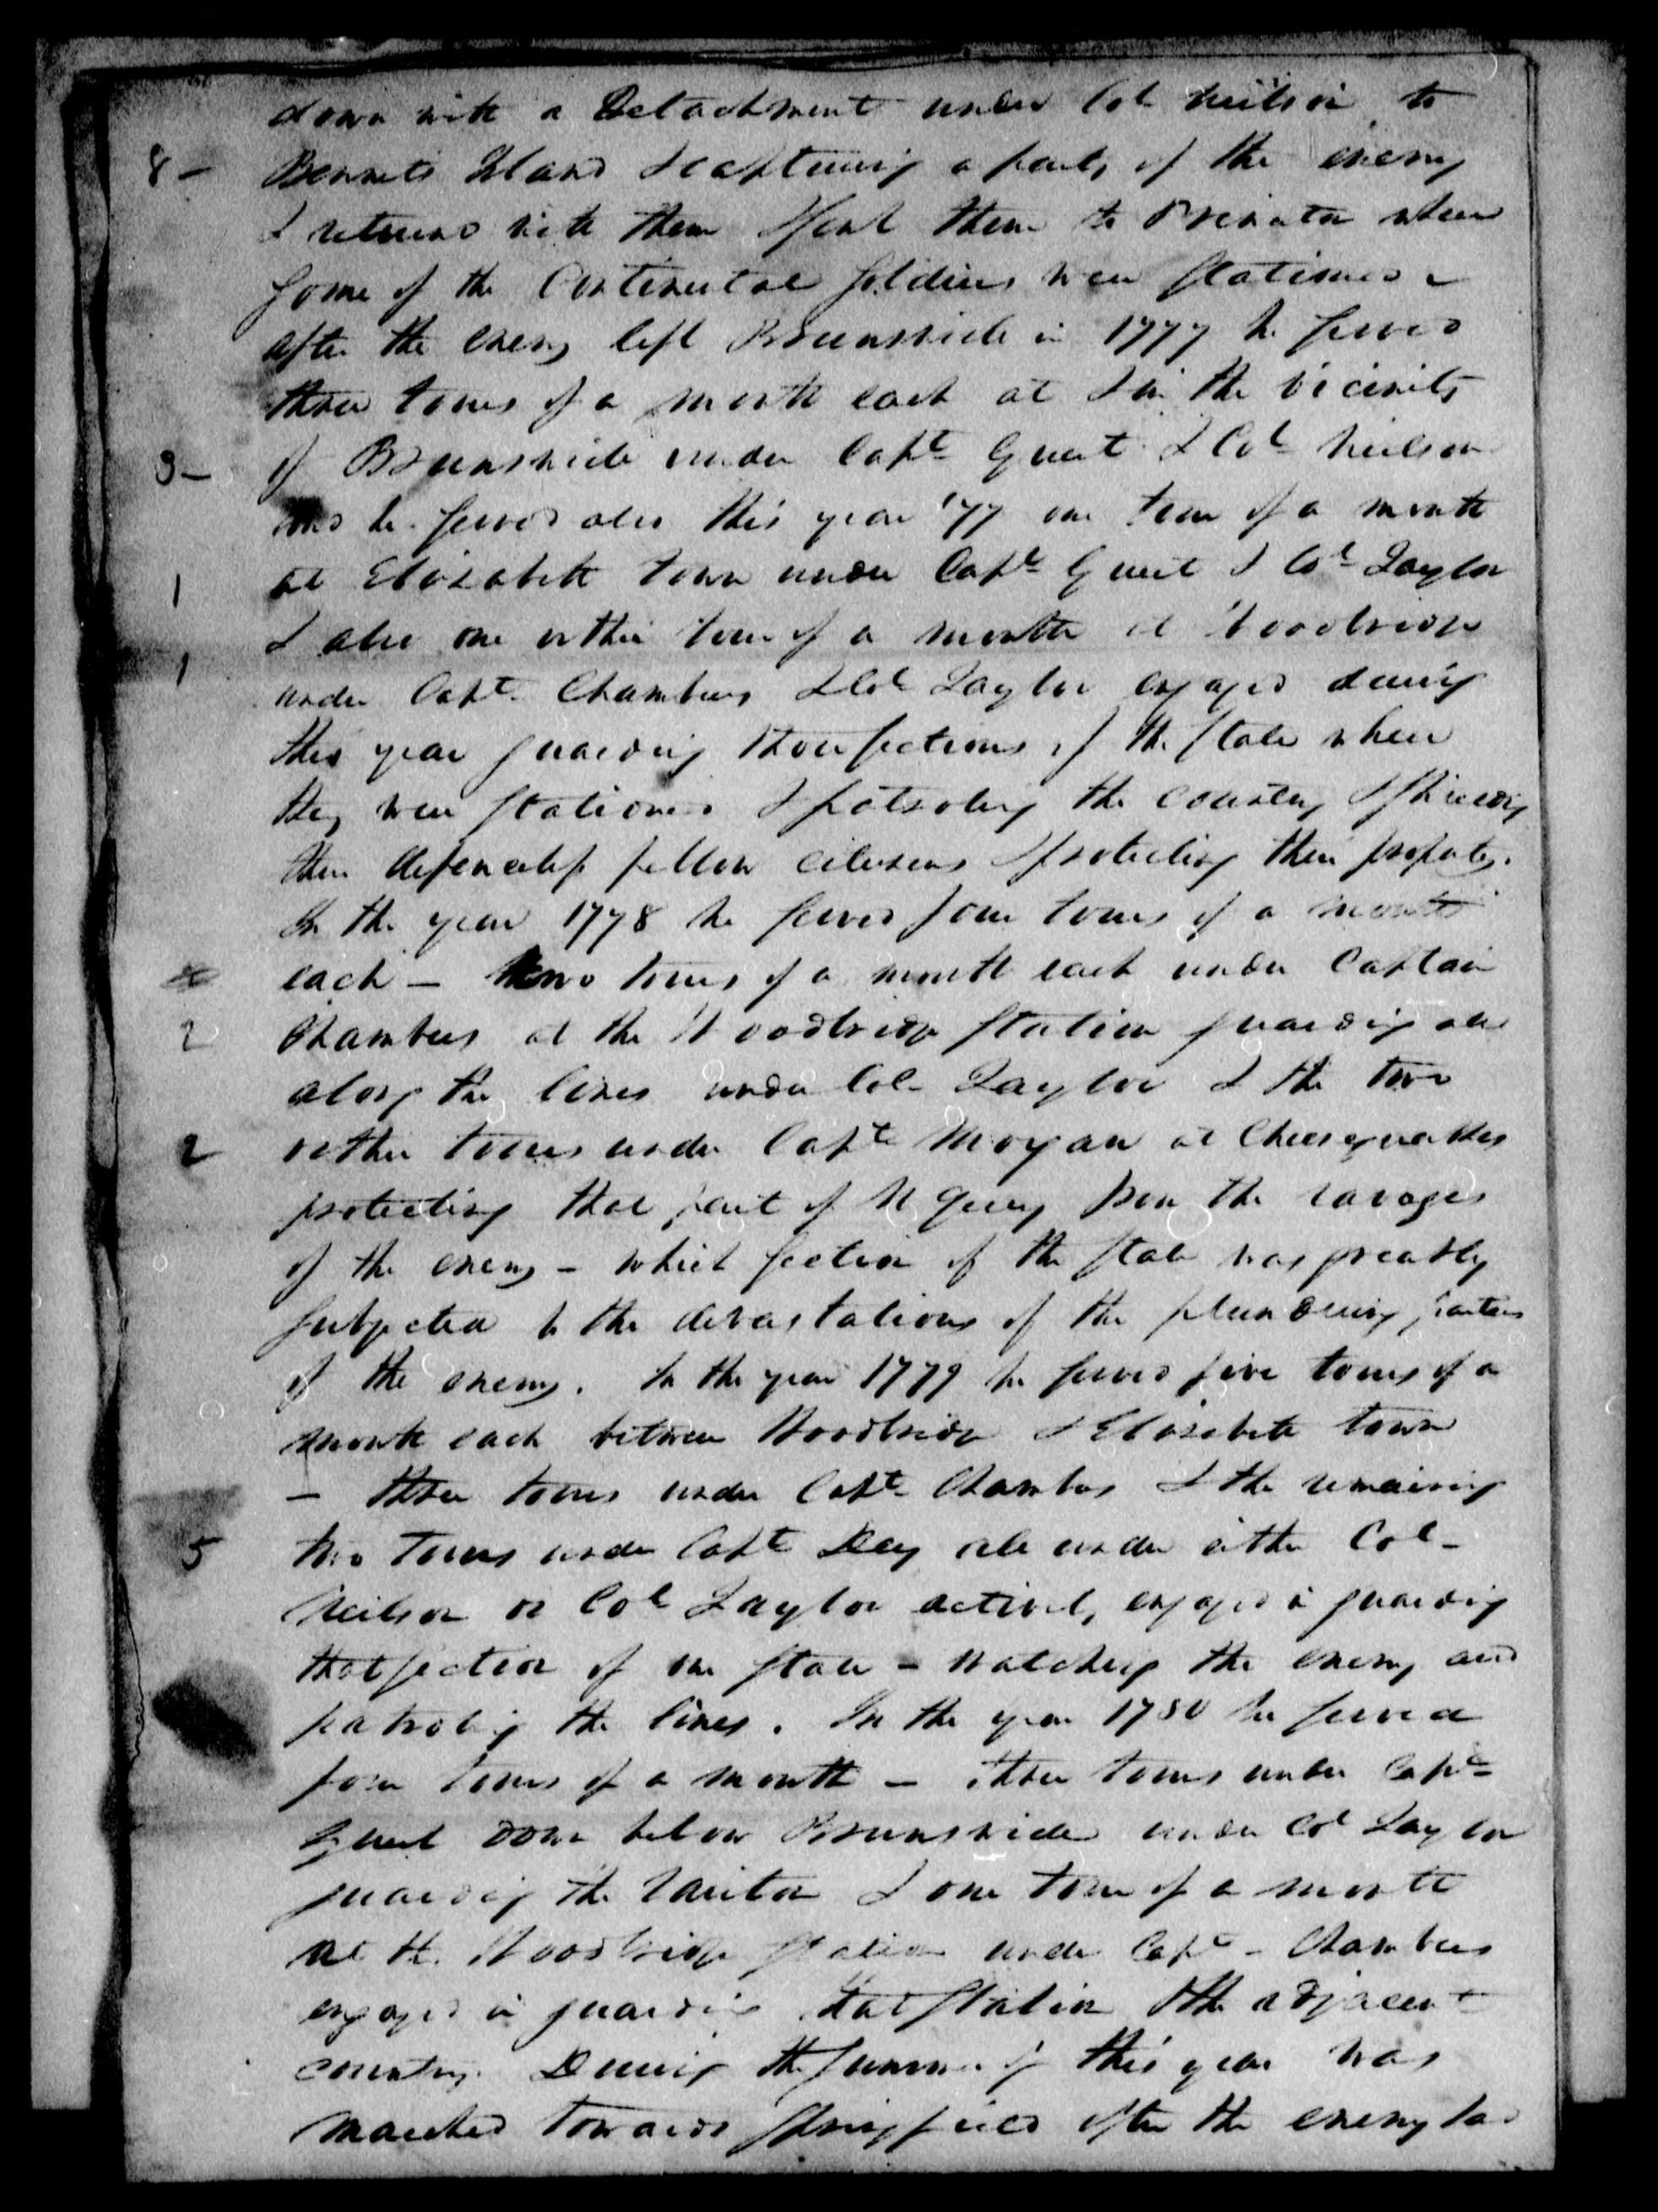2
down with a detachment under lot is or to
Bennett Island & capurting a part of the enemy
returned with them seat them to private when
some of the Continental Soldiers wen slationed
after the every left Brunswick in 1777 fived
three tours of a month each at in the vicinity
of Brunskill under Capt Quart & Col Nelson
the he served also this year 1777 on time of a month
at Elizabeth town under Capt Guit I to Taylor
also one other time of a month at Woolson
under Capt Chambers Col Taylor engaged during
this year guarding therections of the State when
they were stationed & also the county office
the defencelef fellow citizens protecting the property
in the year 1778 he served four tour of a man
each - two times of a month each under Captain
----
Chambers at the old Station guardial
along the lines under Col Taylor & the two
other time under Capt Moran at his quarter
protecting that part of inquiry for the ravages
of the even-- which section of the State was greatly
subjected to the devastations of the landing parties
of the enemy. In the year 1779 he served five tons of a
month each between Hoodson & Elisabeth town
three times under Capt Thomas the remaining
to the wide last Day all under either Col
Wilson or Col Taylor active, enjoyed in guarding
that section of the State watching the every and
patroling the lines. In the year 1780 he served
four tours of a month - the time under Capt
put down below Brunswick under Col Day
guard in the Vaniton I one tour of a month
at the Wood on Nation under Capt. Chambers
engaged in guarding at Station the adjacent
Country. Denis the sum of this year was
marched towards Driffield after the enemy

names: Neilson, Taylor, Taylor, Gerret, Gerret, Neilson, Taylor, Moyan, Chambers, Chambers, Chambers, Chambers, Day, Taylor, Neilson, Gerret, Taylor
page: 6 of 12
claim: survivor's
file: S. 1136, Stephen Van Sickle, New Jersey